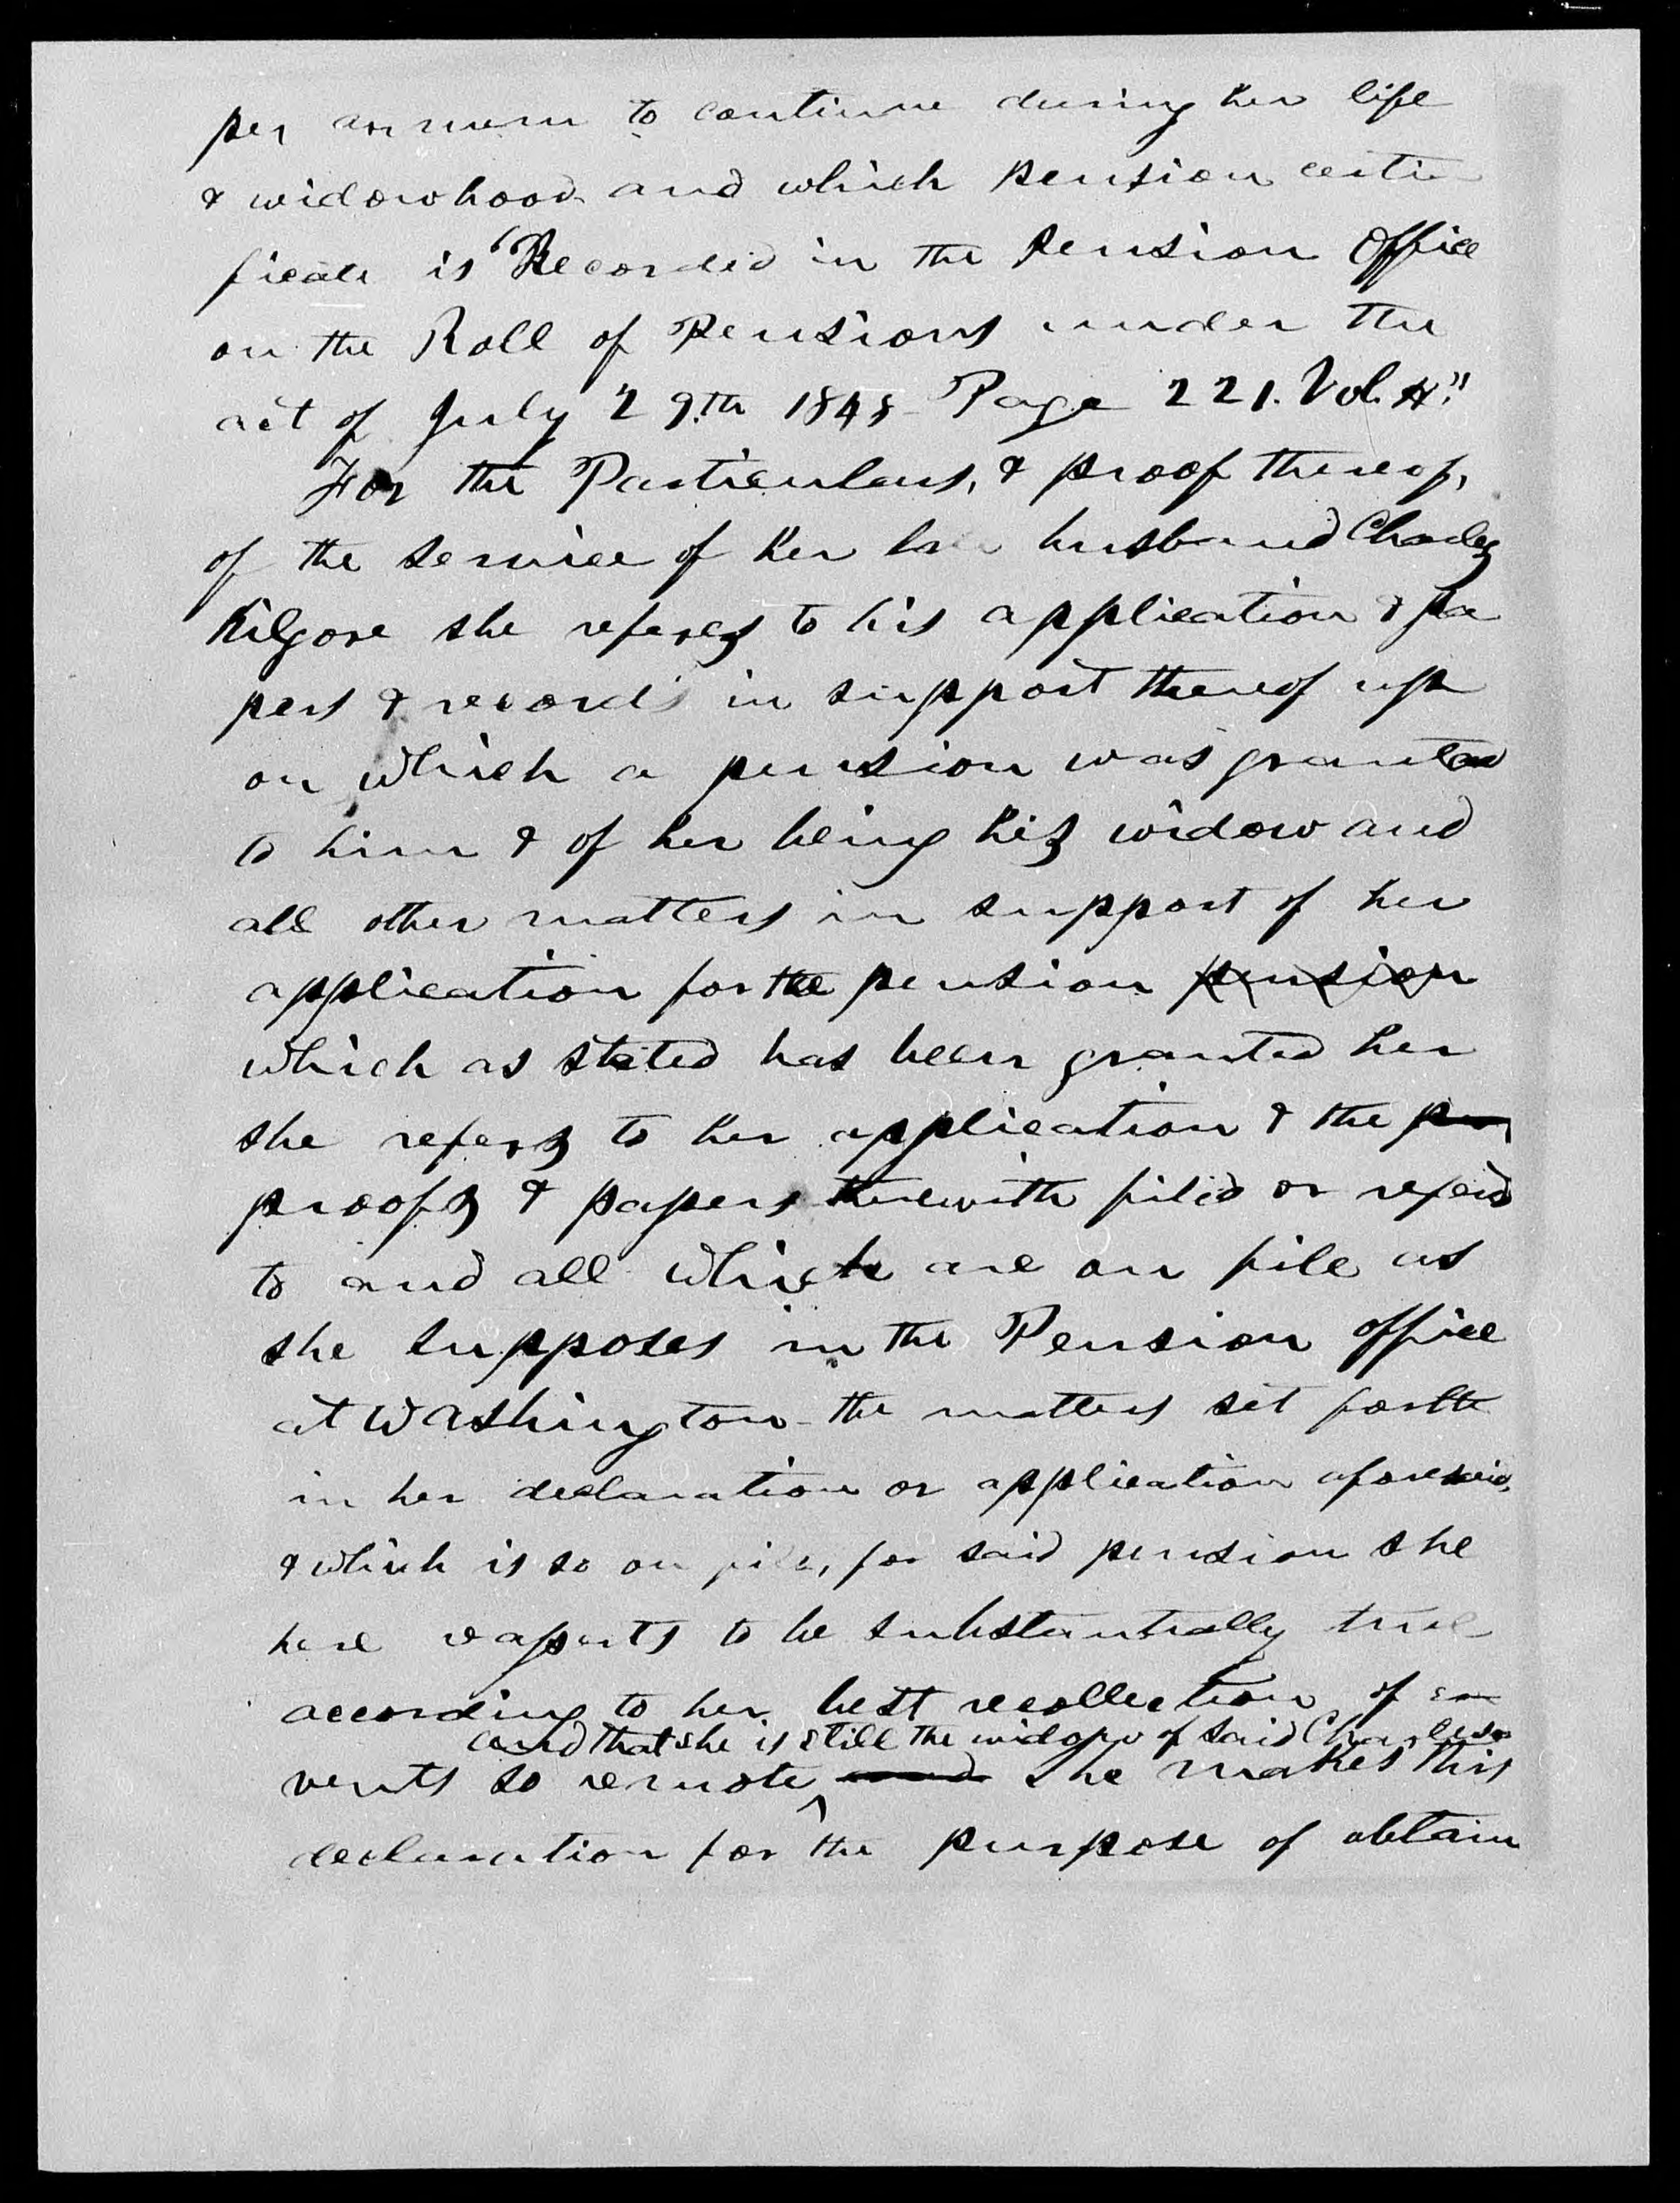per annum to continue during her life & widowhood and which pension certificate is Recorded in the Pension Office on the Roll of Pensions under the act of July 29th 1848 Page 221, Vol. H."
For the Particulars, & proof thereof, of the service of her late husband Charles Kilgore she refers to his application & papers & records in support thereof upon which a pension was granted to him & of her being his widow and all other matters in support of her application for the pension [crossed out: pension] which as stated has been granted her she refers to her application & the [crossed out: pro] proofs & papers therewith filed or referd to and all which are on file as she supposes in the Pension Office at Washington. the matters set forth in her declaration or application aforesaid, & which is so on file, for said pension she here asserts to be substantially true according to her best recollection of events so remote and that she is still the widow of said Charles. She makes this declaration for the purpose of obtain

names: Charles Kilgore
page: 57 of 115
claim: survivor's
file: S. 699, for Charles Kilgore, Virginia